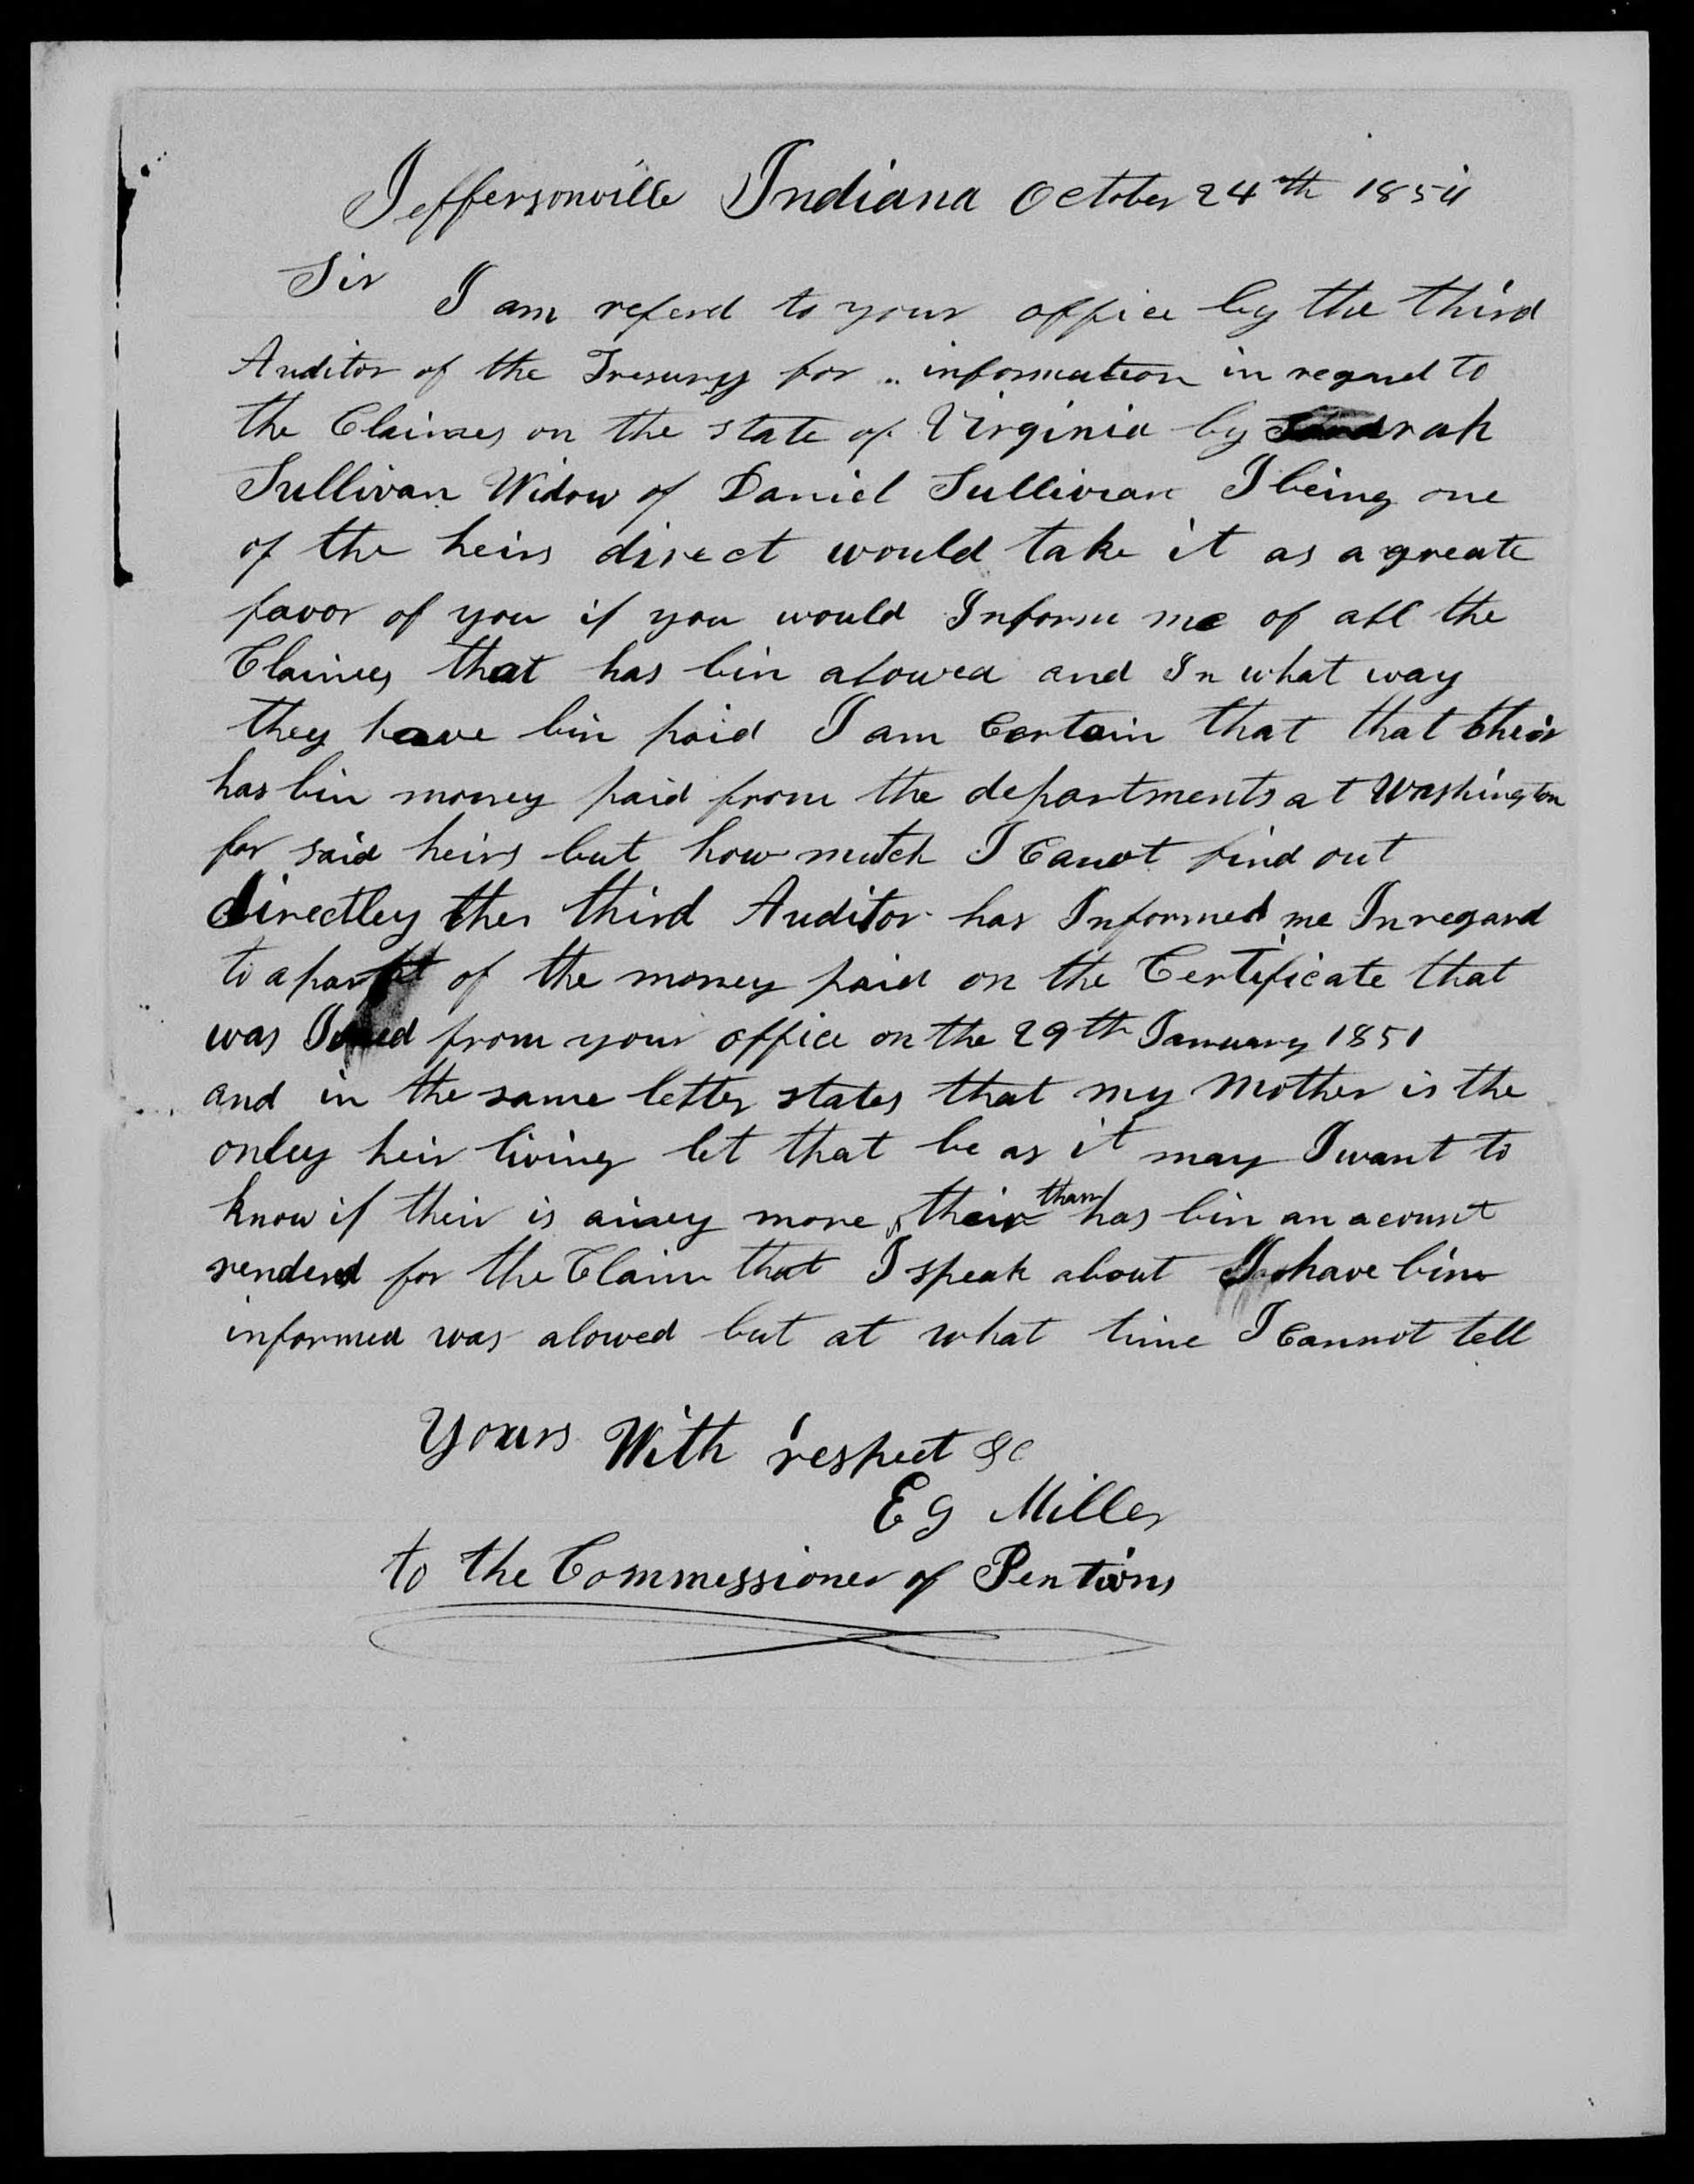Jeffersonville Indiana October 24th 1854

Sir

I am referd to your office by the third Auditor of the Treasury for information in regard to the Claimes on the state of Virginia by Sarah Sullivan Widow of Daniel Sullivan I being one of the heirs direct would take it as a great favor of you if you would Inform me of all the Claims that has bin alowed and In what way they have bin paid I am certain that that their has bin money paid from the departments at Washington for said heirs but how mutch I canot find out directly the third Auditor has Informed my In regard to a part of the money paid on the Certificate that was Issued from your office on the 29th January 1851 and in the same letter states that my mother is the only heir living let that be as it may I want to know if their is ainey more their than has bin an acount rendered for the Claim that I speak about I have bin informed was alowed but at what time I cannot tell

Yours With respect &c
[signed] E G Miller
to the Commissioner of Pentions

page: 51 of 78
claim: widow's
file: W. 25,169, for Daniel Sullivan, Maryland